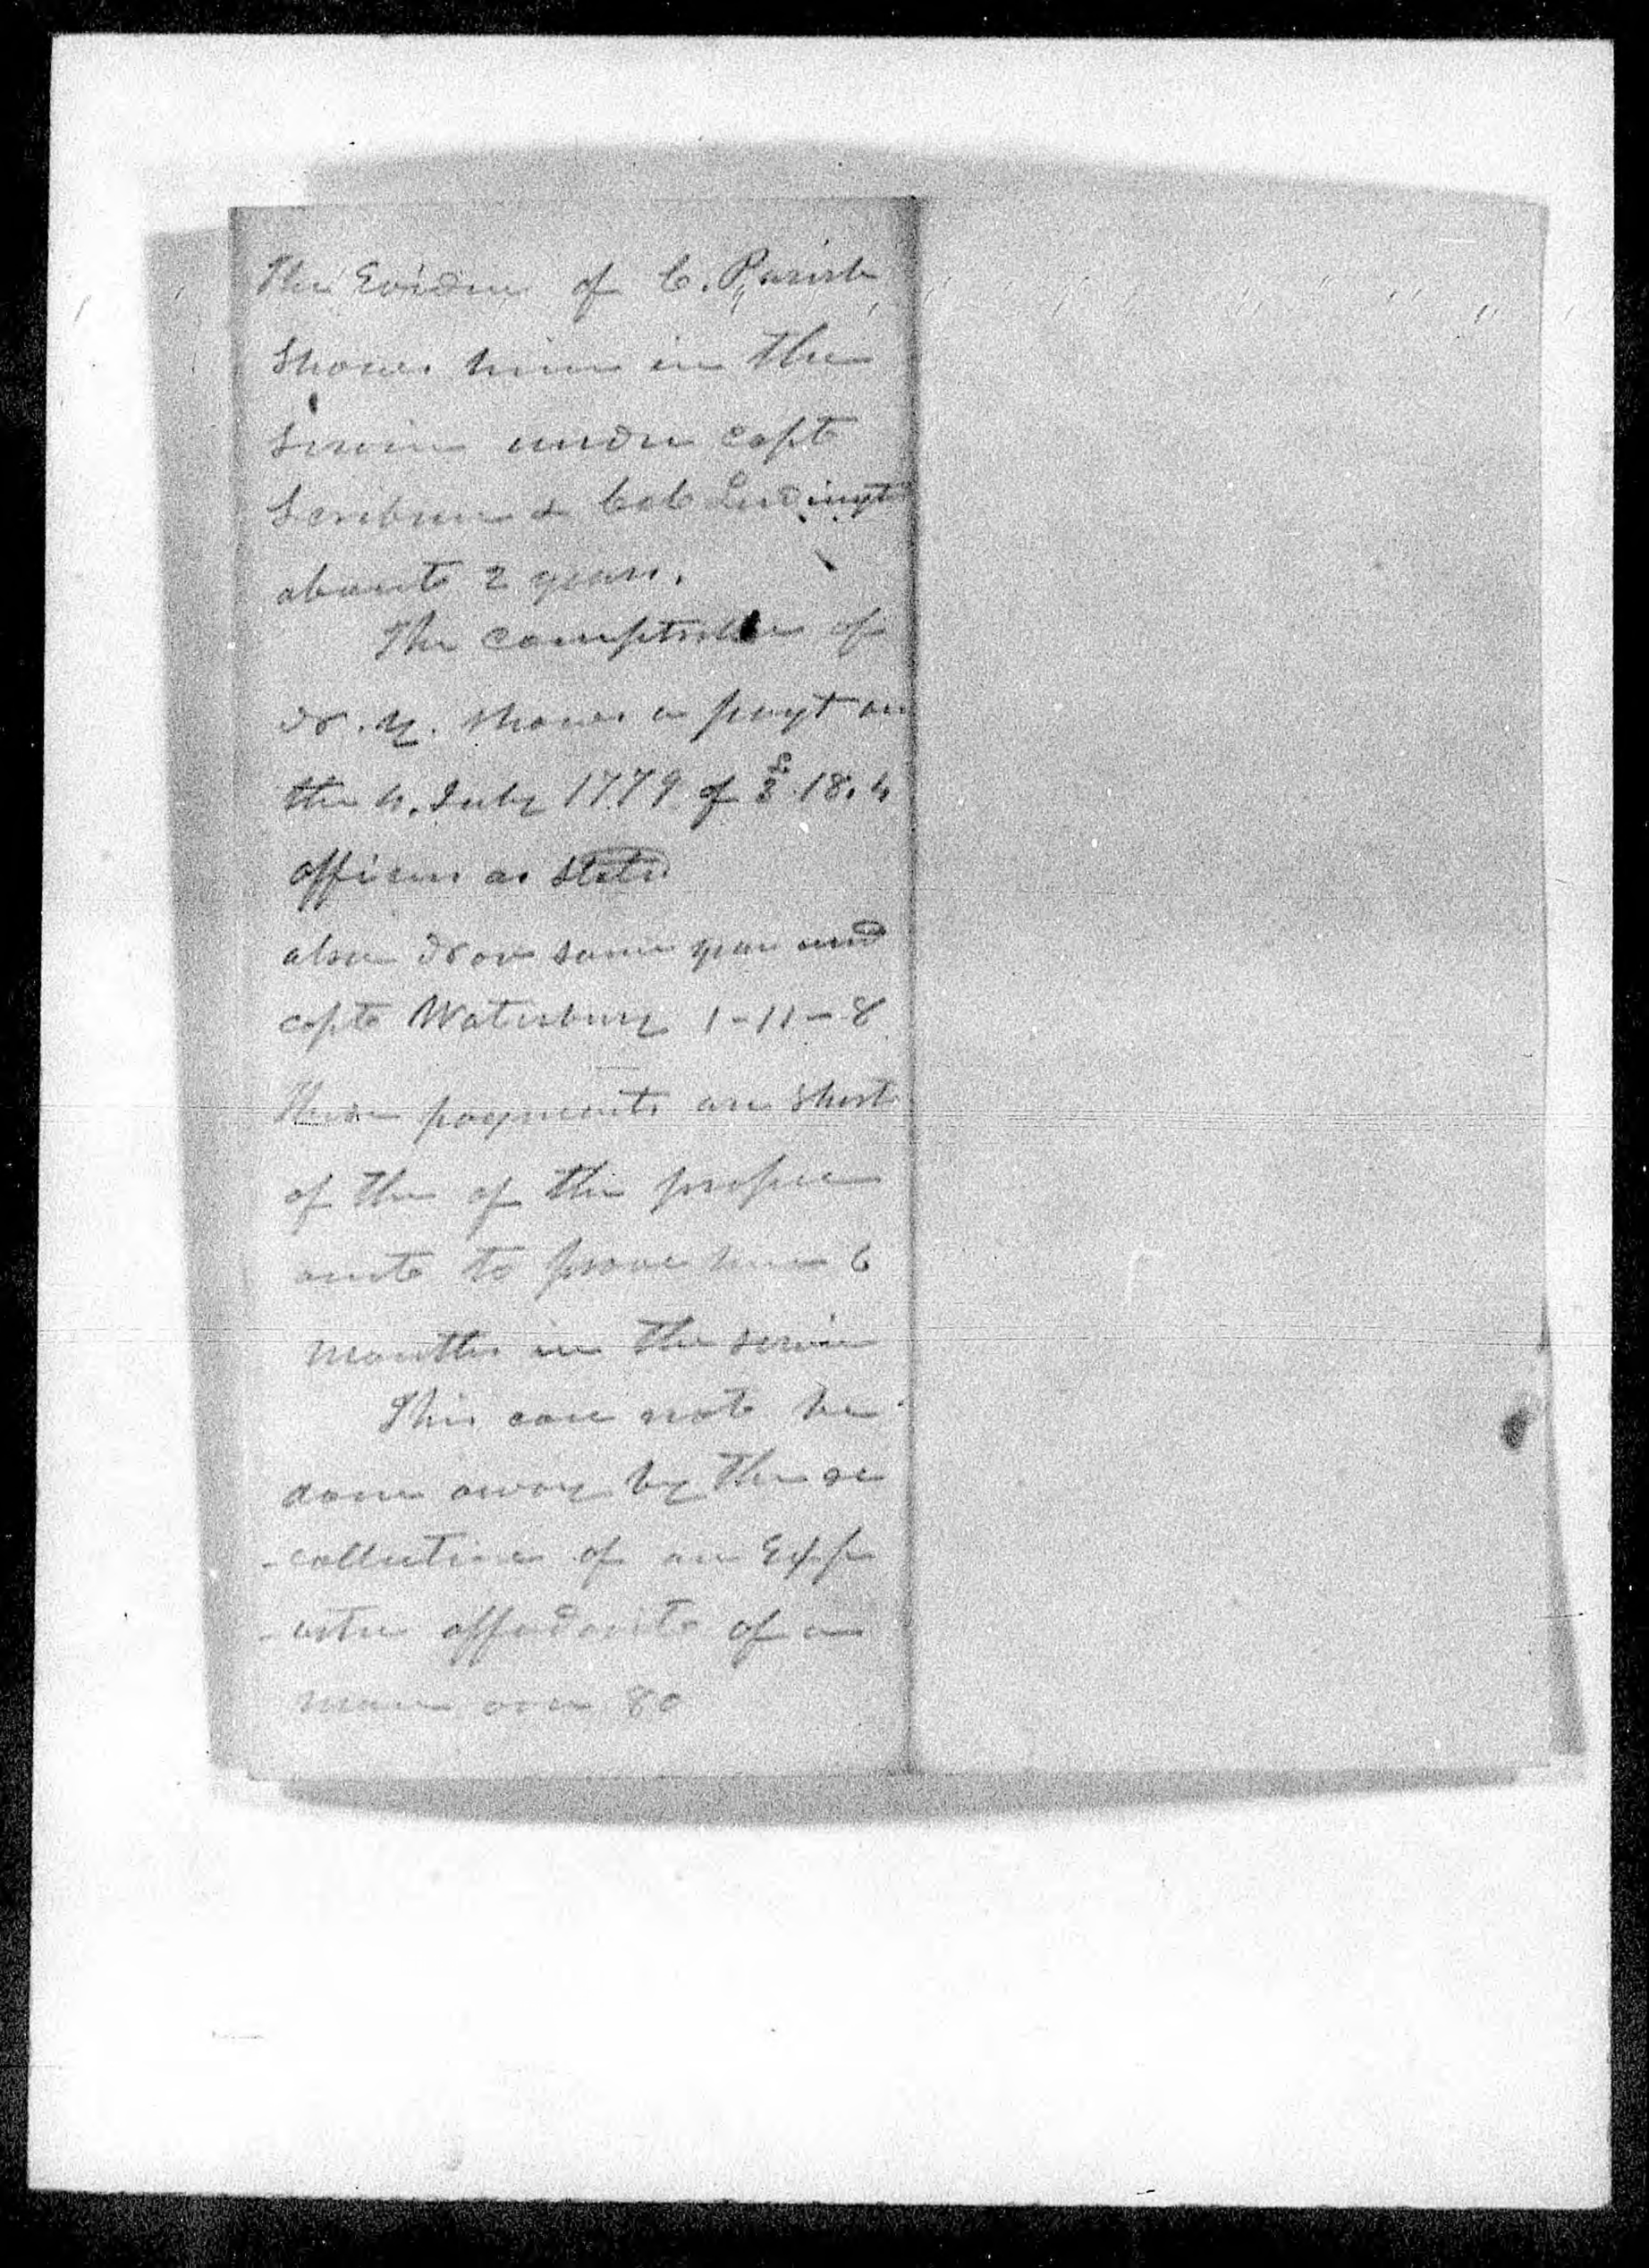This evidence of C. Parish shows him in the services under Capt Scribner  Col Ludington about 2 years.
The comptroller of N.Y. shows a payment 4 July 1779. of L18.4 officers as stated.
Above Nov service year and Capt Waterbury 1-11-8  The payments are short of this of this [illegible] onto to prove him 6 months in the service
This can not be done away by the recollective of an excessive affidavits of a man over 80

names: Scribner, Ludington, Waterbury, C Parish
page: 51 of 66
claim: rejected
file: R. 4298, Samuel Gregory, New York